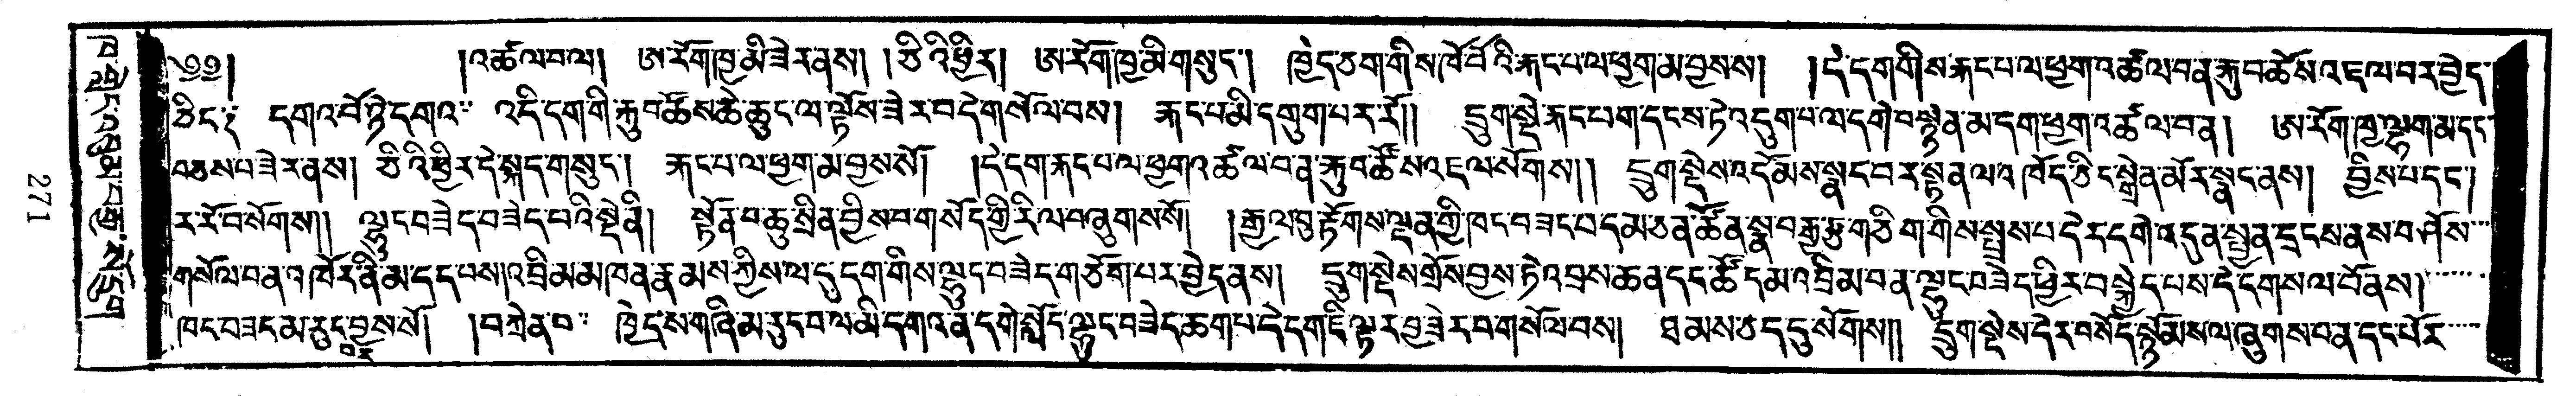༄༅། །འཚལ་བ་ལ། ཨ་རོག་ཁྱ་མི་ཟེར་ནས། །ཅིའི་ཕྱིར། ཨ་རོག་ཁྱ་མི་གསུང་། ཁྱེད་ཅག་གིས་ཁོ་བོའི་རྐང་པ་ལ་ཕྱག་མ་བྱས་ས། །དེ་དག་གིས་རྐང་པ་ལ་ཕྱག་འཚལ་བ་ན་རྐུབ་ཆོས་འཇལ་བར་བྱེད་
ཅིང༑ དགའ་བོ་ཉེ་དགའ་འདི་དག་གི་རྐུབ་ཆོས་ཆེ་ཆུང་ལ་ལྟོས་ཟེར་བ་དེ་གསོལ་བས། རྐང་པ་མི་དགུག་པར་རོ།། དྲུག་སྡེ་རྐང་པ་གདངས་ཏེ་འདུག་པ་ལ་དགེ་བསྙེན་མ་དག་ཕྱག་འཚལ་བ་ན། ཨ་རོག་ཁྱ་ལྷག་མ་དང་
བཅས་པ་ཟེར་ནས། ཅིའི་ཕྱིར་དེ་སྐད་གསུང་། རྐང་པ་ལ་ཕྱག་མ་བྱས་སོ། །དེ་དག་རྐང་པ་ལ་ཕྱག་འཚལ་བ་ན་རྐུབ་ཚོས་འཇལ་སོགས།། དྲུག་སྡེས་འདོམས་སྣང་བར་སྟན་ལ་འཁོད་ཅིང་སྒྲེན་མོར་སྣང་ནས། བྱིས་པ་དང་།
ར་རོ་བ་སོགས།། ལྷུང་བཟེད་བཟེད་པའི་སྡེ་ནི། སྟོན་པ་ཆུ་སྲིན་བྱིས་བ་གསོད་ཀྱི་རིལ་བཞུགས་སོ། །རྒྱལ་བུ་རྟོགས་ལྡན་གྱི་ཁང་བཟང་བ་དམ་ཅན་ཚོན་སྣ་བརྒྱ་རྩ་གཅིག་གིས་སྤྲས་པ་དེར་དགེ་འདུན་སྤྱན་དྲངས་ནས་བཤོས་
གསོལ་བ་ན་འཁོར་ནི་མ་དད་པས། འབྲི་མ་མཁན་རྣམས་ཀྱིས་ལ་དུ་དག་གིས་ལྷུད་བཟེད་གཅོག་པར་བྱེད་ནས། དྲུག་སྡེས་གྲོས་བྱས་ཏེ་འབྲས་ཆན་དང་ཚོ་དམ་འབྲིམ་པ་ན་ལྷུང་བཟེད་ཕྱིར་བསྐྱེད་པས་དེ་ད་གསལ་བོ་ནས།
ཁང་བཟང་མ་རུང་བར་བྱས་སོ། །བཀྲེན་པ་ཁྱེད་ས་གཞི་མ་རུང་བ་ལ་མི་དགའ་ན་དགེ་སློང་ལྷུང་བཟེད་ཆག་པ་དེ་དག་ཇི་ལྟར་བྱ་ཟེར་བ་གསོལ་བས། ཐམས་ཅད་དུ་སོགས།། དྲུག་སྡེས་དེར་བསོད་སྙོམས་ལ་ཞུགས་པ་ན་དང་པོར་